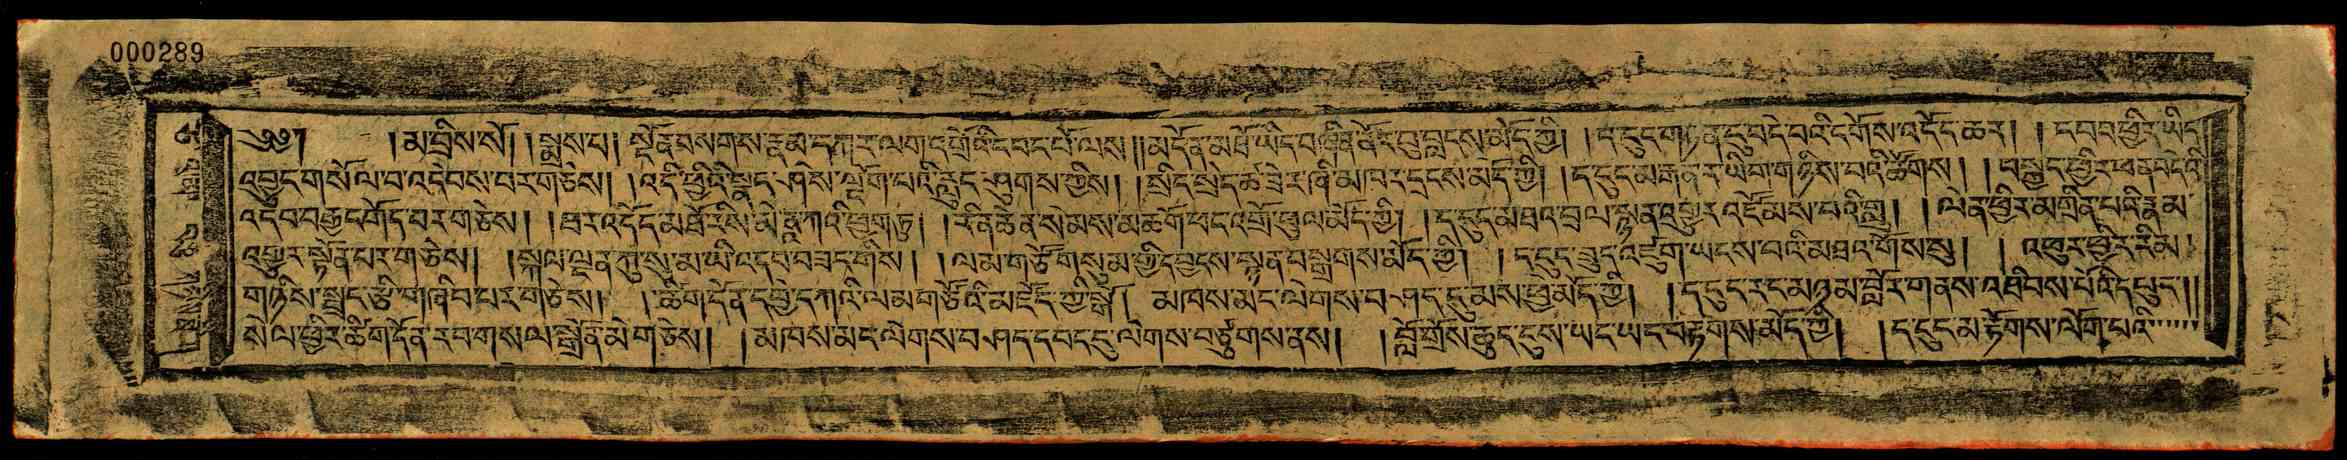༄༅། །མ་བྲིས་སོ། །སྨྲས་པ། སྔོན་བསགས་རྣམ་དཀར་ལག་འགྲོའི་དབང་པོ་ལས། །མངོན་མཐོ་ཡིད་བཞིན་ནོར་བུ་བླངས་མོད་ཀྱི། །ད་དུང་གཏན་དུ་བདེ་བའི་དགོས་འདོད་ཆར། །དབབ་ཕྱིར་ཡིད་
འབྱུང་གསོལ་བ་འདེབས་པར་གཅེས། །འདི་ཕྱིའི་སྣང་ཤས་ལྡོག་པའི་རླུང་ཤུགས་ཀྱིས། །སྲིད་སྲེད་ཚ་ཟེར་ཞི་མཁར་དྲངས་མོད་ཀྱི། །ད་དུང་མ་རྒན་ར་ཡིག་གཉིས་པའི་ཚོགས། །བསྐྱད་ཕྱིར་ཕན་བདེའི་
འདབ་བརྒྱ་དགོད་པར་གཅེས། །ཐར་འདོད་མཐོ་རིས་མེ་ནཱ་ཀའི་ཕྱག་ཏུ། །རིན་ཆེན་སེམས་མཆོག་ཕང་འགྲོ་ཕུལ་མོད་ཀྱི། །ད་དུང་མཐའ་བྲལ་སྙན་འགྱུར་འཇོམས་པའི་གླུ། །ལེན་ཕྱིར་མགྲིན་པའི་རྣམ་
འགྱུར་སྟོན་པར་གཅེས། །སྐལ་ལྡན་ཀུ་སུ་མ་ཡི་འདབ་བཟད་གིས། །ལམ་གཅོ་གསུམ་གྱི་དབྱངས་སྙན་བསྒྲགས་མོད་ཀྱི། །ད་དུང་ཟུང་འཇུག་ཡངས་པའི་མཐའ་གོས་སུ། །འཕུར་ཕྱིར་རིམ་
གཉིས་སྦྲང་རྩི་གཞི་བ་པར་གཅེས། །ཚིག་དོན་དབྱེ་དཀའི་ལམ་གཙོའི་མཛོད་ཀྱི་སྒོ། མཁས་མར་ལེགས་བཤད་དུ་མས་ཕྱ་མོད་ཀྱི། །ད་དུང་རང་མཉམ་བློར་གནས་འཐིབས་པོའི་དཔུང་། །
སེལ་ཕྱིར་ཚིག་དོན་རབ་གསལ་སྒྲོན་མེ་གཅེས། །མཁས་མང་ལེགས་བཤད་དབང་དུ་ལེགས་བཙུགས་ནས། །བློ་གྲོས་ཆུང་དུས་ཡང་ཡང་བརྟགས་མོད་ཀྱི། །ད་དུང་མ་རྟོགས་ལོག་པའི་་་